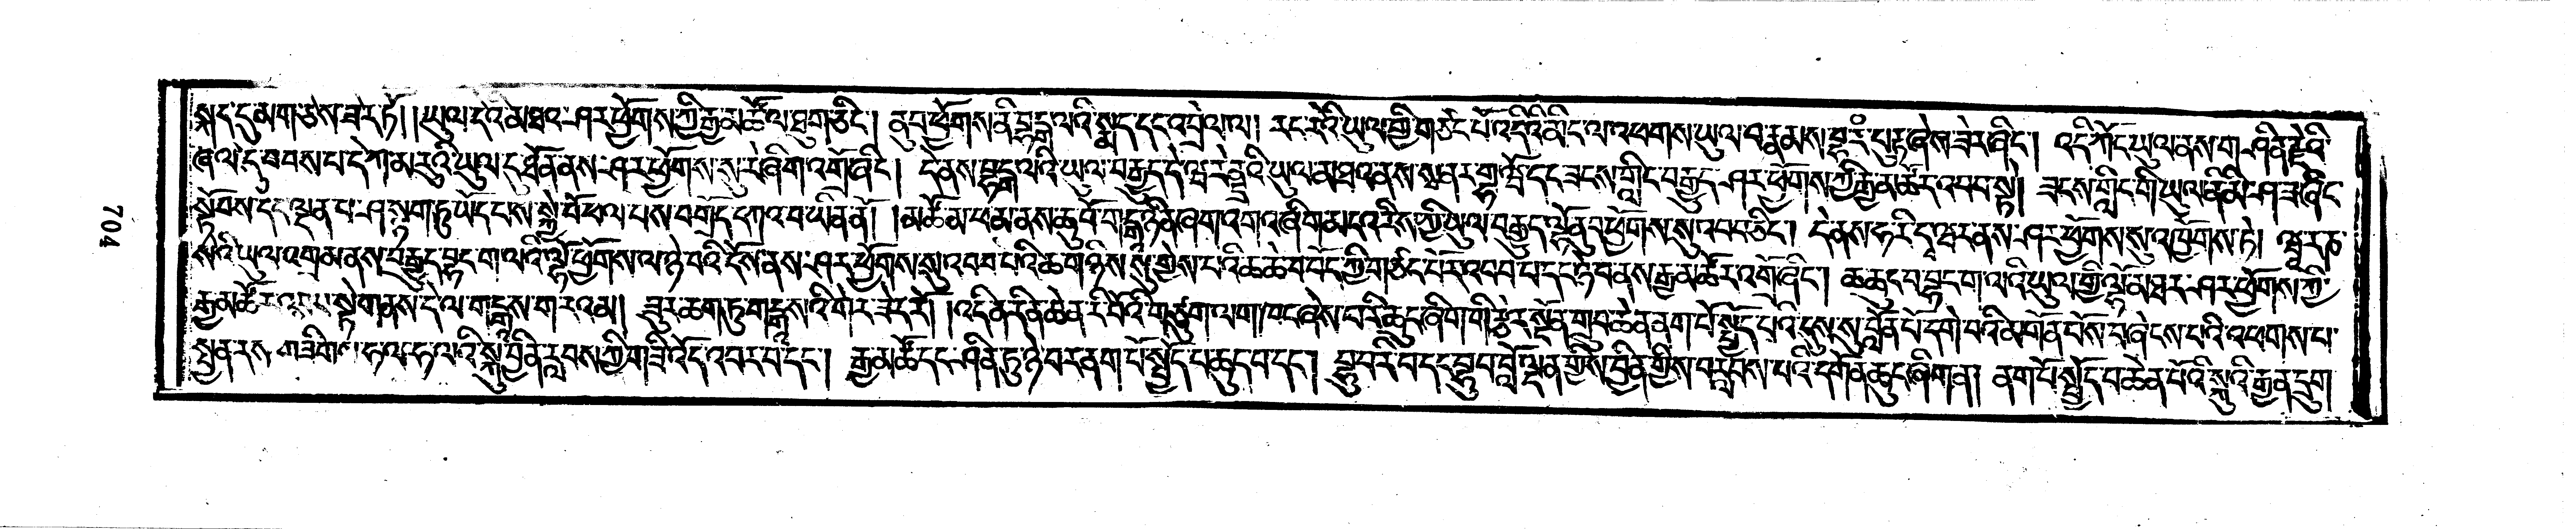སྐད་དུ་མག་ཅེས་ཟེར་ཏོ། །ཡུལ་དེའི་མཐའ་ཤར་ཕྱོགས་ཀྱི་རྒྱ་མཚོ་ལ་ཐུག་ཅིང་། ནུབ་ཕྱོགས་ནི་བྷངྒ་ལའི་སྨད་དང་འབྲེལ་ལ། རང་རེའི་ཡུལ་གྱི་གཙང་པོ་འདིའི་མིང་ལ་འཕགས་ཡུལ་བ་རྣམས་བྷ་རཾ་པུརྟ་ཞེས་ཟེར་ཞིང་། འདི་ཀོང་ཡུལ་ནས་གཤིན་རྗེའི་
ཞལ་དུ་བབས་པ་དེ་ཀ་མ་རུའི་ཡུལ་དུ་ཐོན་ནས་ཤར་ཕྱོགས་སུ་རེ་ཞིག་འགྲོ་ཞིང་། དེ་ནས་བྷངྒ་ལའི་ཡུལ་བརྒྱུད་དེ་ཝ་རེནྡྲའི་ཡུལ་མཐའ་ནས་སྭ་ནར་གྷ་ཝོ་དང་ཟངས་གླིང་བརྒྱུད་ཤར་ཕྱོགས་ཀྱི་རྒྱ་མཚོར་འབབ་སྟེ། ཟངས་གླིང་གི་ཡུལ་ནི་མི་ཤ་ཟ་ཞིང་
སྟོབས་དང་ལྡན་པ་ཤ་སྙག་ཏུ་ཡོད་པས་སྐྱེ་བོ་ཕལ་པས་བགྲོད་དཀའ་བ་ཡིན་ནོ། །མཚོ་མ་ཕ་མ་ནས་ཆུ་བོ་གངྒཱ་ཉིན་ཞག་འགའ་ཞིག་མངའ་རིས་ཀྱི་ཡུལ་བརྒྱུད་ལྷོ་ནུབ་ཕྱོགས་སུ་འབབ་ཅིང་། དེ་ནས་ཧ་རི་དྭ་ཝར་ནས་ཤར་ཕྱོགས་སུ་འཁྱོགས་ཏེ། ཝཱ་ར་ཎ་
སེའི་ཡུལ་འགྲམ་ནས་བརྒྱུད་བྷང་ག་ལའི་ལྷོ་ཕྱོགས་ལ་ཉེ་བའི་ངོས་ནས་ཤར་ཕྱོགས་སུ་འབབ་པའི་ཆ་གཉིས་སུ་གྱེས་པའི་ཆ་ཆེ་བ་བོད་ཀྱི་གཙང་པོར་འབབ་པ་དང་ཉེ་བ་ནས་རྒྱ་མཚོར་འགྲོ་ཞིང་། ཆ་ཆུང་བ་བྷང་ག་ལའི་ཡུལ་གྱི་ལྷོ་མཐར་ཤར་ཕྱོགས་ཀྱི་
རྒྱ་མཚོར་འབབ་སྟེ་གནས་དེ་ལ་གངྒ་ས་ག་རའམ། ཟུར་ཆག་ཏུ་གངྒཱ་སའི་གེར་ཟེར་རོ། །འདི་ན་རིན་ཆེན་རི་བོའི་གཙུག་ལག་ཁང་ཞེས་པ་རི་ཆུང་ཞིག་གི་རྩེར་སྔོན་གྲུབ་ཆེན་ནག་པོ་སྤྱོད་པའི་དུས་སུ་བློན་པོ་དགེ་པའི་མགོན་པོས་བཞེངས་པའི་འཕགས་པ་
སྤྱན་རས་གཟིགས་ཧ་ལ་ཧ་ལའི་སྐུ་བྱིན་རླབས་ཀྱི་གཟི་འོད་འབར་བ་དང་། རྒྱ་མཚོ་དང་ཤིན་ཏུ་ཉེ་བར་ནག་པོ་སྤྱོད་པ་ཆུད་བ་དང་། བྷུ་བ་རི་བ་དང་བྷུབ་བློ་ལྡན་གྱིས་བྱིན་གྱིས་བརླབས་པའི་དགོན་ཆུང་ཞིག་ན། ནག་པོ་སྤྱོད་པ་ཆེན་པོའི་སྐུའི་རྒྱན་དྲུག་